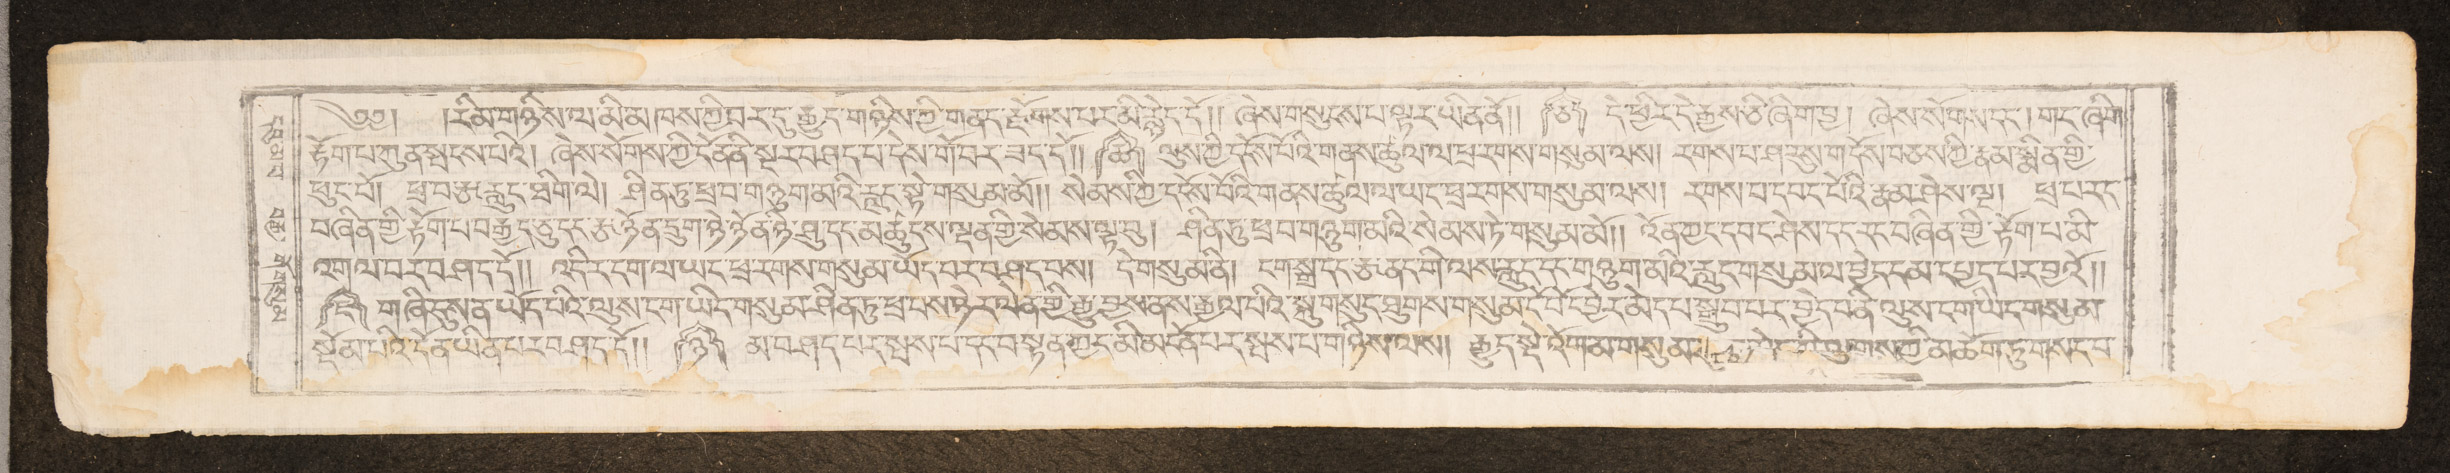༄༅། །རིམ་གཉིས་ལ་མི་མཁས་ཀྱི་བར་དུ་རྒྱུད་གཉིས་ཀྱི་གནད་རྫོགས་པར་མི་རྙེད་དོ།། ཞེས་གསུངས་པ་ལྟར་ཡིན་ནོ།། ༼༽ཅ༼༽ དེ་ཕྱིར་དེ་རྒྱས་ཅི་ཞིག་བྱ། ཞེས་སོགས་དང་། གང་ཞིག་
རྟོག་པ་ཀུན་སྤངས་པའི། ཞེས་སོགས་ཀྱི་དོན་ནི་སྔར་བཤད་པ་དེས་གོ་བར་ཟད་དོ།། ༼༽ཆ༼༽ ལུས་ཀྱི་དངོས་པོའི་གནས་ཚུལ་ལ་ཕྲ་རགས་གསུམ་ལས། རགས་པ་ཤ་རུས་གདོས་བཅས་ཀྱི་རྣམ་སྨིན་གྱི་
ཕུང་པོ། ཕྲ་བ་རྩ་རླུང་ཐིག་ལེ། ཤིན་ཏུ་ཕྲ་བ་གཉུག་མའི་རླུང་སྟེ་གསུམ་མོ།། སེམས་ཀྱི་དངོས་པོའི་གནས་ཚུལ་ལ་ཡང་ཕྲ་རགས་གསུམ་ལས། རགས་པ་དབང་པོའི་རྣམ་ཤེས་ལྔ། ཕྲ་པ་རང་
བཞིན་གྱི་རྟོག་པ་བརྒྱད་ཅུ་དང་རྩ་ཉོན་དྲུག་ཉེ་ཉོན་ཉི་ཤུ་དང་མཚུངས་ལྡན་གྱི་སེམས་ལྟ་བུ། ཤིན་ཏུ་ཕྲབ་གཉུག་མའི་སེམས་ཏེ་གསུམ་མོ།། འོན་ཀྱང་དབང་ཤེས་དང་རང་བཞིན་གྱི་རྟོག་པ་མི་
འགལ་བར་བཤད་དོ།། འདིར་དག་ལ་ཡང་ཕྲ་རགས་གསུམ་ཡོད་པར་བཤད་པས། དེ་གསུམ་ནི། ངག་སྒྲ་དང་རྩ་ནང་གི་ལས་རླུང་དང་གཉུག་མའི་རླུང་གསུམ་ལ་བྱེད་དམ་དཔྱད་པར་བྱའོ།།
༼༽ཇ༼༽ གཞི་དུས་ན་ཡོད་པའི་ལུས་ངག་ཡིད་གསུམ་ཤིན་ཏུ་ཕྲ་བས་ཉེར་ལེན་གྱི་རྒྱུ་བྱས་ནས་རྒྱལ་པའི་སྐུ་གསུང་ཐུགས་གསུམ་ངོ་བོ་དབྱེར་མེད་པ་སྒྲུབ་པར་བྱེད་པ་ནི་ལུས་ངག་ཡིད་གསུམ་
སྡོམ་པའི་དོན་ཡིན་པར་བཤད་དོ།། ༼༽ཉ༼༽ མ་བཤད་པར་སྤས་པ་དང་བསྟན་ཀྱང་མི་མངོན་པར་སྤས་པ་གཉིས་ལས། རྒྱུད་སྡེ་འོག་མ་གསུམ་དུ་བླ་མེད་ཀྱི་ལུགས་ཀྱི་མཆོག་ཏུ་གསང་བ་